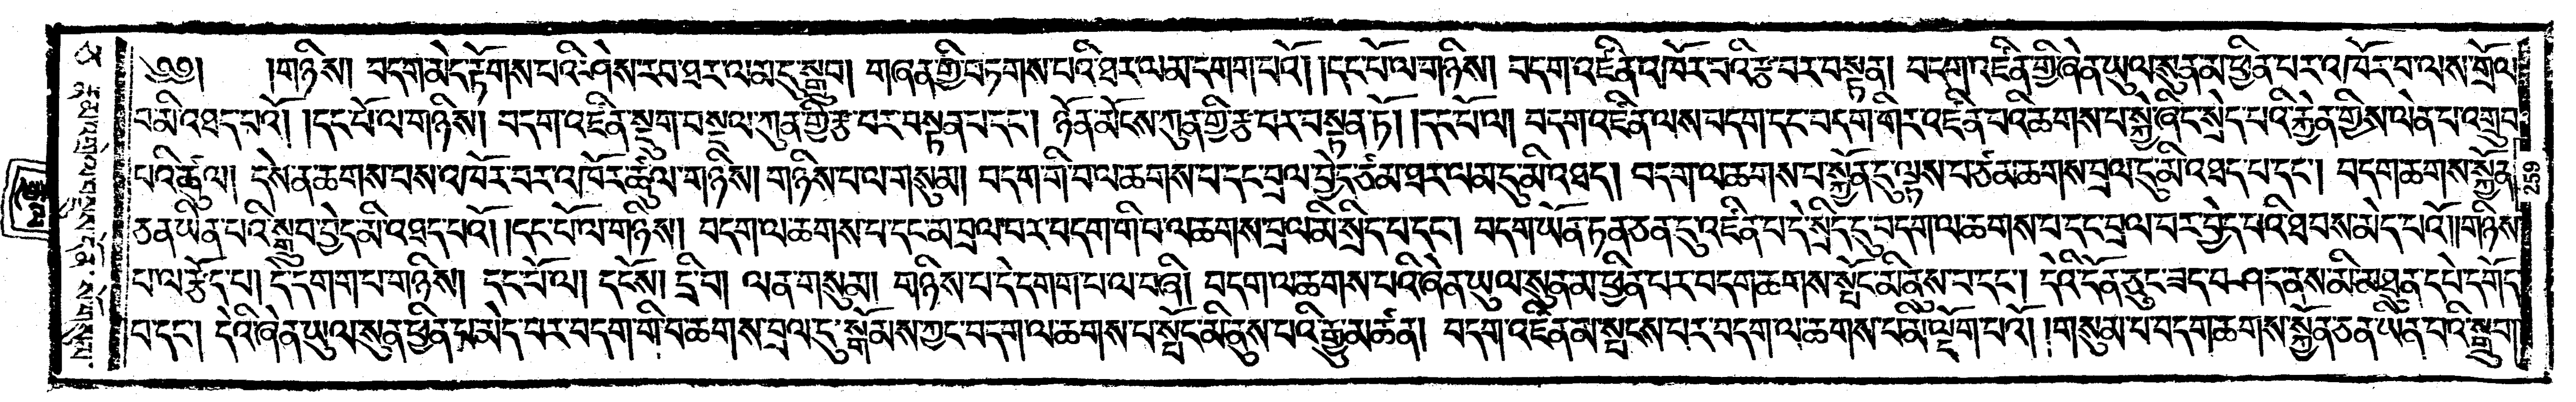༄༅། །གཉིས། བདག་མེད་རྟོགས་པའི་ཤེས་རབ་ཐར་ལམ་དུ་སྒྲུབ། གཞན་གྱི་བཏགས་པའི་ཐར་ལམ་དགག་པའོ། །དང་པོ་ལ་གཉིས། བདག་འཛིན་འཁོར་བའི་རྩ་བར་བསྟན། བདག་འཛིན་གྱི་ཞེན་ཡུལ་སུན་མ་ཕྱིན་པར་འཁོར་བ་ལས་གྲོལ་
བ་མི་འཐད་པའོ། །དང་པོ་ལ་གཉིས། བདག་འཛིན་སྡུག་བསྔལ་ཀུན་གྱི་རྩ་བར་བསྟན་པ་དང་། ཉོན་མོངས་ཀུན་གྱི་རྩ་བར་བསྟན་ཏོ། །དང་པོ་ལ། བདག་འཛིན་ལས་བདག་དང་བདག་གིར་འཛིན་པའི་ཆགས་པ་སྐྱེ་ཞིང་སྲེད་པའི་རྐྱེན་གྱིས་ལེན་པ་འགྲུབ་
པའི་ཚུལ། དེས་ན་ཆགས་པས་འཁོར་བར་འཁོར་ཚུལ་གཉིས། གཉིས་པ་ལ་གསུམ། བདག་གི་བ་ལ་ཆགས་པ་དང་བྲལ་བྱེད་ཙམ་ཐར་ལམ་དུ་མི་འཐད། བདག་ལ་ཆགས་པ་སྐྱོན་དུ་ལྟས་པ་ཙམ་ཆགས་བྲལ་དུ་མི་འཐད་པ་དང་། བདག་ཆགས་སྐྱོན་
ཅན་ཡིན་པའི་སྒྲུབ་བྱེད་མི་འཐད་པའོ། །དང་པོ་ལ་གཉིས། བདག་ལ་ཆགས་པ་དང་མ་བྲལ་བར་བདག་གི་བ་ལ་ཆགས་བྲལ་མི་སྲིད་པ་དང་། བདག་ཡོན་ཏན་ཅན་དུ་འཛིན་པ་དེ་སྲིད་དུ་བདག་ལ་ཆགས་པ་དང་བྲལ་བར་བྱེད་པའི་ཐབས་མེད་པའོ། །གཉིས་
པ་ལ་རྩོད་པ། དེ་དགག་པ་གཉིས། དང་པོ་ལ། དངོས། དྲི་བ། ལན་གསུམ། གཉིས་པ་དེ་དགག་པ་ལ་བཞི། བདག་ལ་ཆགས་པའི་ཞེན་ཡུལ་སུན་མ་ཕྱིན་པར་བདག་ཆགས་སྤོང་མི་ནུས་པ་དང་། དེའི་དོན་ཅུང་ཟད་བཤད་ནས་མི་མཐུན་དཔེ་དགོད་
པ་དང་། དེའི་ཞེན་ཡུལ་སུན་ཕྱིན་པ་མེད་པར་བདག་གི་བ་ཆགས་བྲལ་དུ་སྒོམས་ཀྱང་བདག་ལ་ཆགས་པ་སྤོང་མི་ནུས་པའི་རྒྱུ་མཚན། བདག་འཛིན་མ་སྤངས་པར་བདག་ལ་ཆགས་པ་མི་ལྡོག་པའོ། །གསུམ་པ་བདག་ཆགས་སྐྱོན་ཅན་ཡིན་པའི་སྒྲུབ།